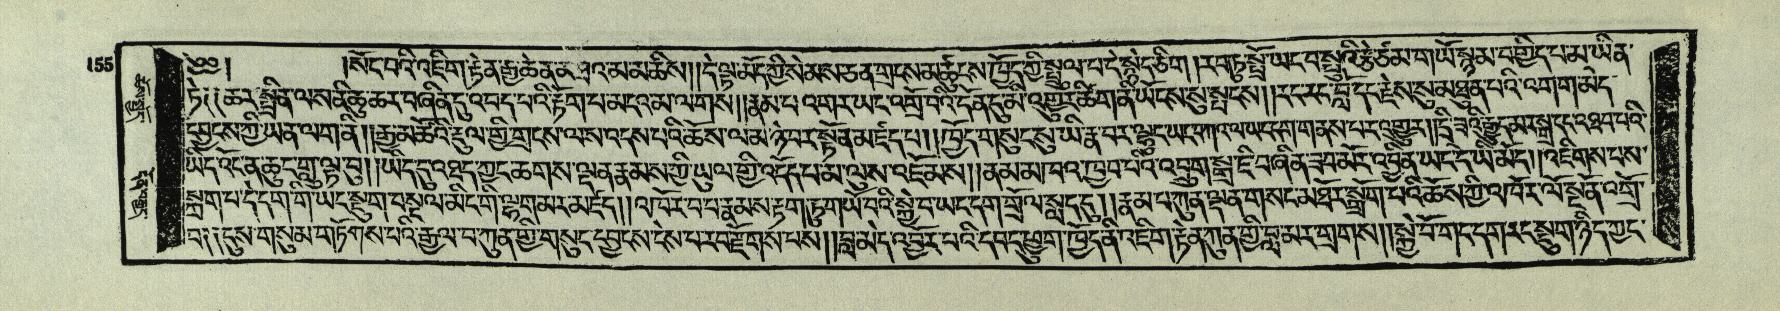༄༅། །སོང་བའི་འཇིག་རྟེན་རྒྱ་ཆེན་མཐའ་མ་མཆིས། །དེ་ལྟ་མོད་ཀྱི་སེམས་ཅན་གྲངས་མཚུངས་ཁྱོད་ཀྱི་སྤྲུལ་པ་དེ་སྙེད་ཅིག །རབ་ཏུ་སྤྲོ་ཡང་བ་སྤུའི་རྩེ་ཙམ་གཡོ་སྙམ་བགྱིད་པ་མ་ཡིན་
ཏེ༑ ༑ཆར་སྤྲིན་ལས་ནི་ཆུ་ཆར་བཞིན་དུ་འབད་པའི་རྟོག་པ་མངའ་མ་ལགས། །རྣམ་པ་འགར་ཡང་འགྲོ་བའི་དོན་དུ་མི་འགྱུར་ཚིག་ནི་ཡོངས་སུ་སྤངས། །རང་རང་བློ་དང་རྗེས་སུ་མཐུན་པའི་འགག་མེད་
དབྱངས་ཀྱི་ཡན་ལག་ནི། །རྒྱ་མཚོའི་རྡུལ་གྱི་གྲངས་ལས་འདས་པའི་ཆོས་ལམ་ཉེ་བར་སྟོན་མཛད་པ། །ཁྱོད་གསུང་སུ་ཡི་རྣ་བར་ལྷུང་ཡང་བཀའ་ལ་ཡང་དག་གནས་པར་འགྱུར། །དྲི་ཟའི་རྒྱུད་མར་སྒྲ་དང་འཐབ་པའི་
ཡིད་འོང་ན་ཆུང་གླུ་ལྟ་བུ། །ཡིད་དུ་འཐད་ཀྱང་ཆགས་ལྡན་རྣམས་ཀྱི་ཡུལ་གྱི་འདོད་པ་མ་ལུས་འཇོམས། །ནམ་མཁའ་ཁྱབ་པའི་འབྲུག་སྒྲ་ཇི་བཞིན་ཟབ་མོར་འབྱིན་ཡང་དེ་ཡི་མོད། །འཇིགས་པས་
སྐྲག་པ་དེ་དག་གི་ཡང་སྡུག་བསྔལ་མིང་གི་ལྷག་མར་མཛད། །འཁོར་བ་པ་རྣམས་རྟག་ཏུ་གཡོ་བའི་སྐྱེ་བ་ཡང་དག་གྲོལ་སླད་དུ། །རྣམ་པ་ཀུན་ལྡན་གསང་མཐོར་སྒྲོག་པའི་ཆོས་ཀྱི་འཁོར་ལོ་སྔོན་འགྲོ་
བ༑ ༑དུས་གསུམ་གཏོགས་པའི་རྒྱལ་བ་ཀུན་གྱི་གསུང་དབྱངས་ངེས་པ་རབ་རྫོགས་པས། །བླ་མེད་འབྱོར་པའི་དབང་ཕྱུག་ཁྱོད་ནི་འཇིག་རྟེན་ཀུན་གྱི་བླ་མར་གྲགས། །སྐྱེ་བོ་གང་དག་རང་སྡུག་ཉིད་ཀྱང་